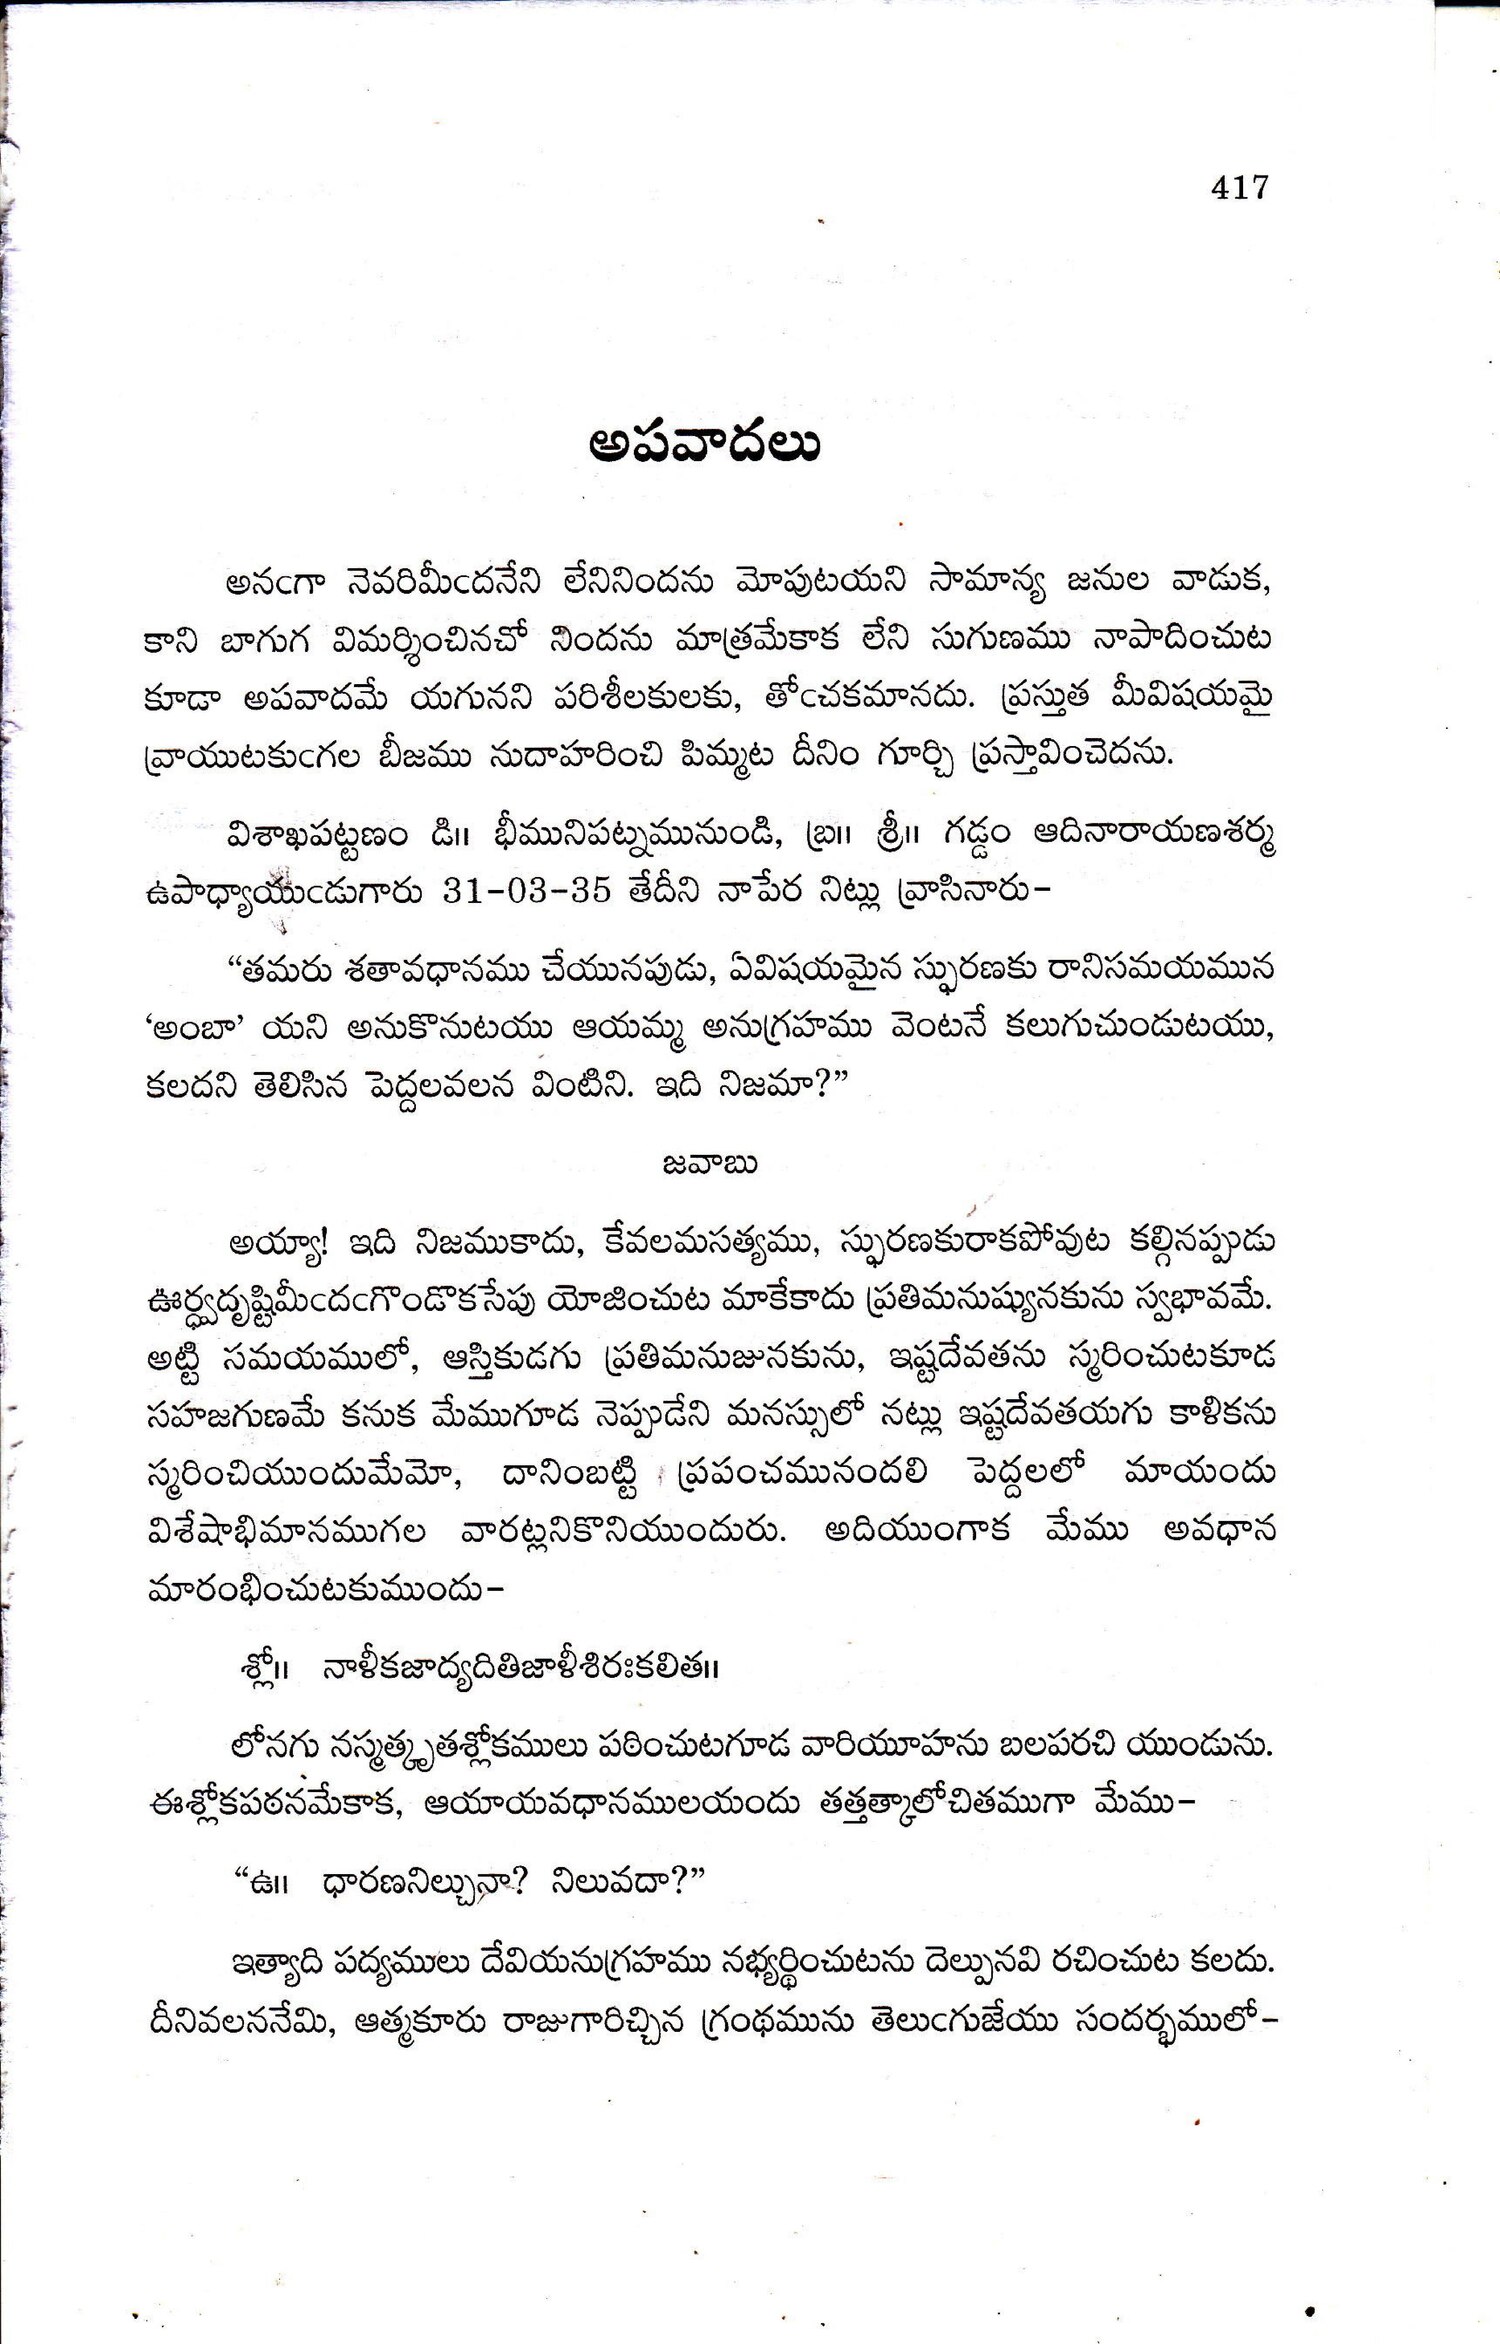అపవాదలు

అనఁగా నెవరిమీఁదనేని లేనినిందను మోపుటయని సామాన్య జనుల వాడుక, కాని బాగుగ విమర్శించినచో నిందను మాత్రమేకాక లేని సుగుణము నాపాదించుట కూడా అపవాదమే యగునని పరిశీలకులకు, తోఁచకమానదు. ప్రస్తుత మీవిషయమై వ్రాయుటకుఁగల బీజము నుదాహరించి పిమ్మట దీనిం గూర్చి ప్రస్తావించెదను.

విశాఖపట్టణం డి. భీమునిపట్నమునుండి, బ్ర|| శ్రీ|| గడ్డం ఆదినారాయణశర్మ ఉపాధ్యాయుఁడుగారు 31-03-35 తేదీని నాపేర నిట్లు వ్రాసినారు-

"తమరు శతావధానము చేయునపుడు, ఏవిషయమైన స్ఫురణకు రానిసమయమున ‘అంబా' యని అనుకొనుటయు ఆయమ్మ అనుగ్రహము వెంటనే కలుగుచుండుటయు, కలదని తెలిసిన పెద్దలవలన వింటిని. ఇది నిజమా?"

అయ్యా! ఇది నిజముకాదు, కేవలమసత్యము, స్ఫురణకురాకపోవుట కల్గినప్పుడు ఊర్ధ్వదృష్టిమీఁదఁగొండొకసేపు యోజించుట మాకేకాదు ప్రతిమనుష్యునకును స్వభావమే. అట్టి సమయములో, ఆస్తికుడగు ప్రతిమనుజునకును, ఇష్టదేవతను స్మరించుటకూడ సహజగుణమే కనుక మేముగూడ నెప్పుడేని మనస్సులో నట్లు ఇష్టదేవతయగు కాళికను స్మరించియుందుమేమో, దానింబట్టి ప్రపంచమునందలి పెద్దలలో మాయందు విశేషాభిమానముగల వారట్లనికొనియుందురు. అదియుంగాక మేము అవధాన మారంభించుటకుముందు

శ్లో|| నాళీకజాద్యదితిజాళీశిరఃకలిత||
లోనగు నస్మత్కృతశ్లోకములు పఠించుటగూడ వారియూహను బలపరచి యుండును. ఈశ్లోకపఠనమేకాక, ఆయాయవధానములయందు తత్తత్కాలోచితముగా మేము-

“ఉll ధారణనిల్చునా? నిలువదా?”
ఇత్యాది పద్యములు దేవియనుగ్రహము నభ్యర్థించుటను దెల్పునవి రచించుట కలదు. దీనివలననేమి, ఆత్మకూరు రాజుగారిచ్చిన గ్రంథమును తెలుఁగుజేయు సందర్భములో